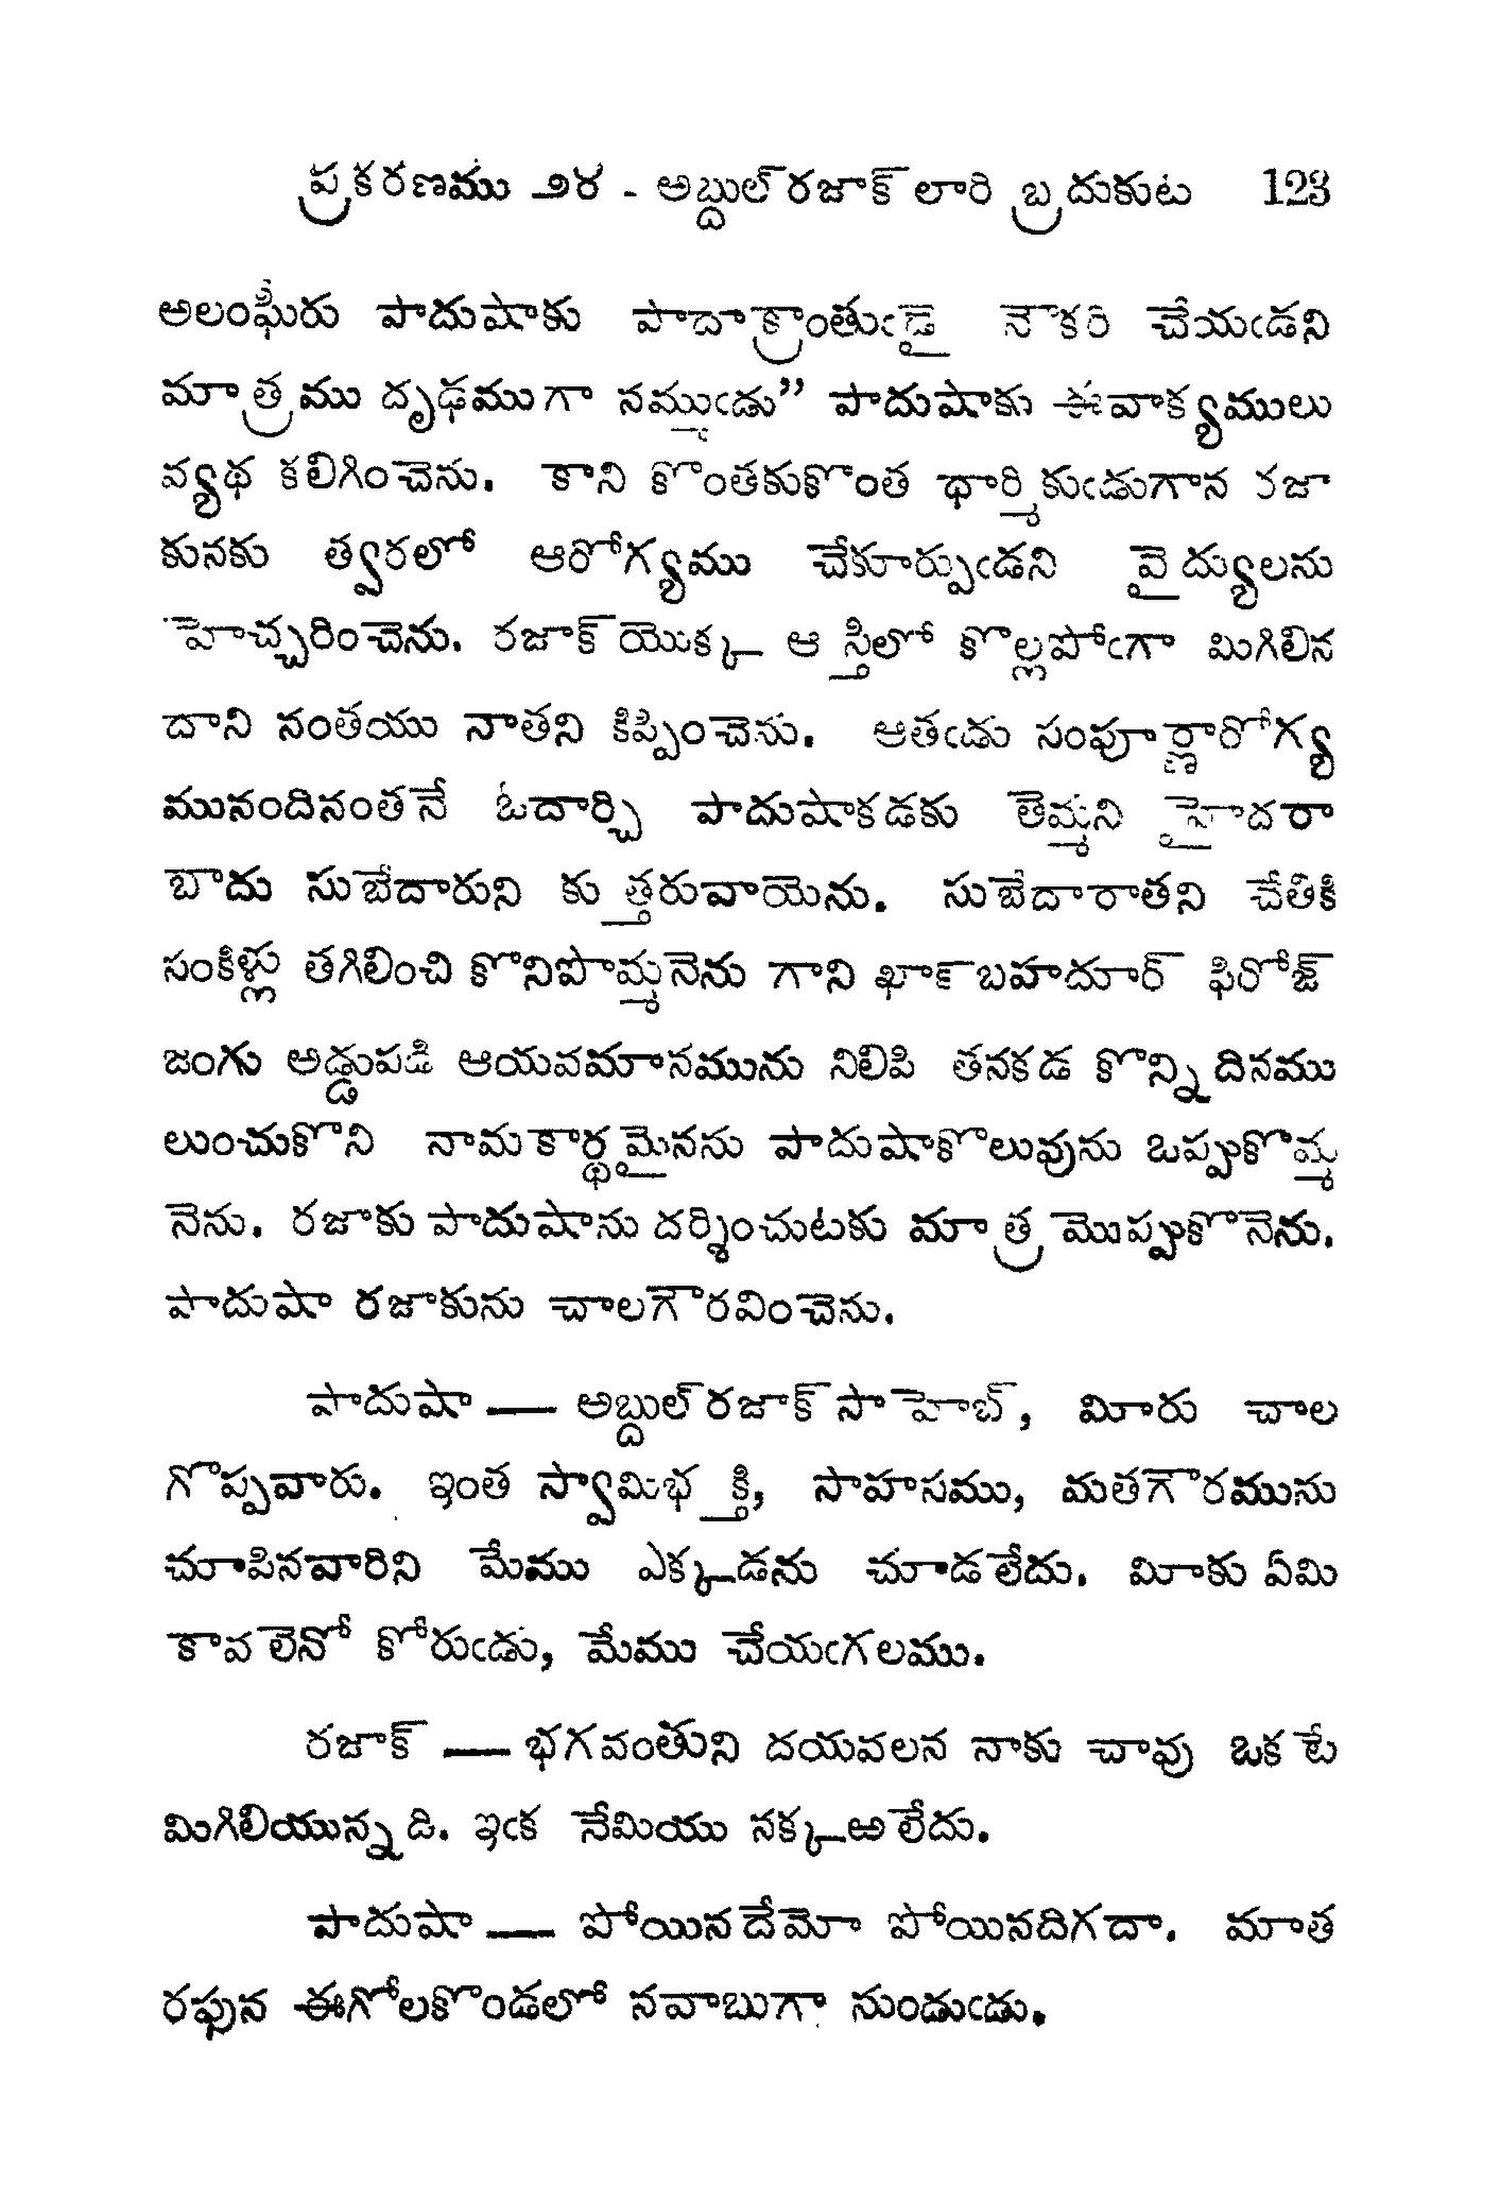అలంఘీరు పాదుషాకు పాదాక్రాంతుఁడై నౌకరి చేయఁడని మాత్రము దృఢముగా నమ్ముఁడు” పాదుషాకు ఈవాక్యములు వ్యథ కలిగించెను. కాని కొంతకుకొంత ధార్మికుఁడుగాన రజాకునకు త్వరలో ఆరోగ్యము చేకూర్పుఁడని వైద్యులను హెచ్చరించెను. రజాక్‌యొక్క ఆస్తిలో కొల్లపోఁగా మిగిలిన దాని నంతయు నాతని కిప్పించెను. ఆతఁడు సంపూర్ణారోగ్యమునందినంతనే ఓదార్చి పాదుషాకడకు తెమ్మని హైదరాబాదు సుబేదారుని కుత్తరువాయెను. సుబేదారాతని చేతికి సంకిళ్లు తగిలించి కొనిపొమ్మనెను గాని ఖాౝబహదూర్ ఫిరోజ్‌జంగు అడ్డుపడి ఆయవమానమును నిలిపి తనకడ కొన్నిదినము లుంచుకొని నామకార్థమైనను పాదుషాకొలువును ఒప్పుకొమ్మనెను. రజాకు పాదుషాను దర్శించుటకు మాత్రమొప్పుకొనెను. పాదుషా రజాకును చాలగౌరవించెను.

పాదుషా ― అబ్దుల్‌రజాక్‌సాహెబ్, మీరు చాల గొప్పవారు. ఇంత స్వామిభక్తి, సాహసము, మత గౌరవమును చూపినవారిని మేము ఎక్కడను చూడలేదు. మీకు ఏమి కావలెనో కోరుఁడు, మేము చేయఁగలము.

రజాక్ ― భగవంతుని దయవలన నాకు చావు ఒకటే మిగిలియున్నది. ఇఁక నేమియు నక్కఱలేదు.

పాదుషా ― పోయినదేవెూ పోయినదిగదా. మాతరఫున ఈగోలకొండలో నవాబుగా నుండుఁడు.